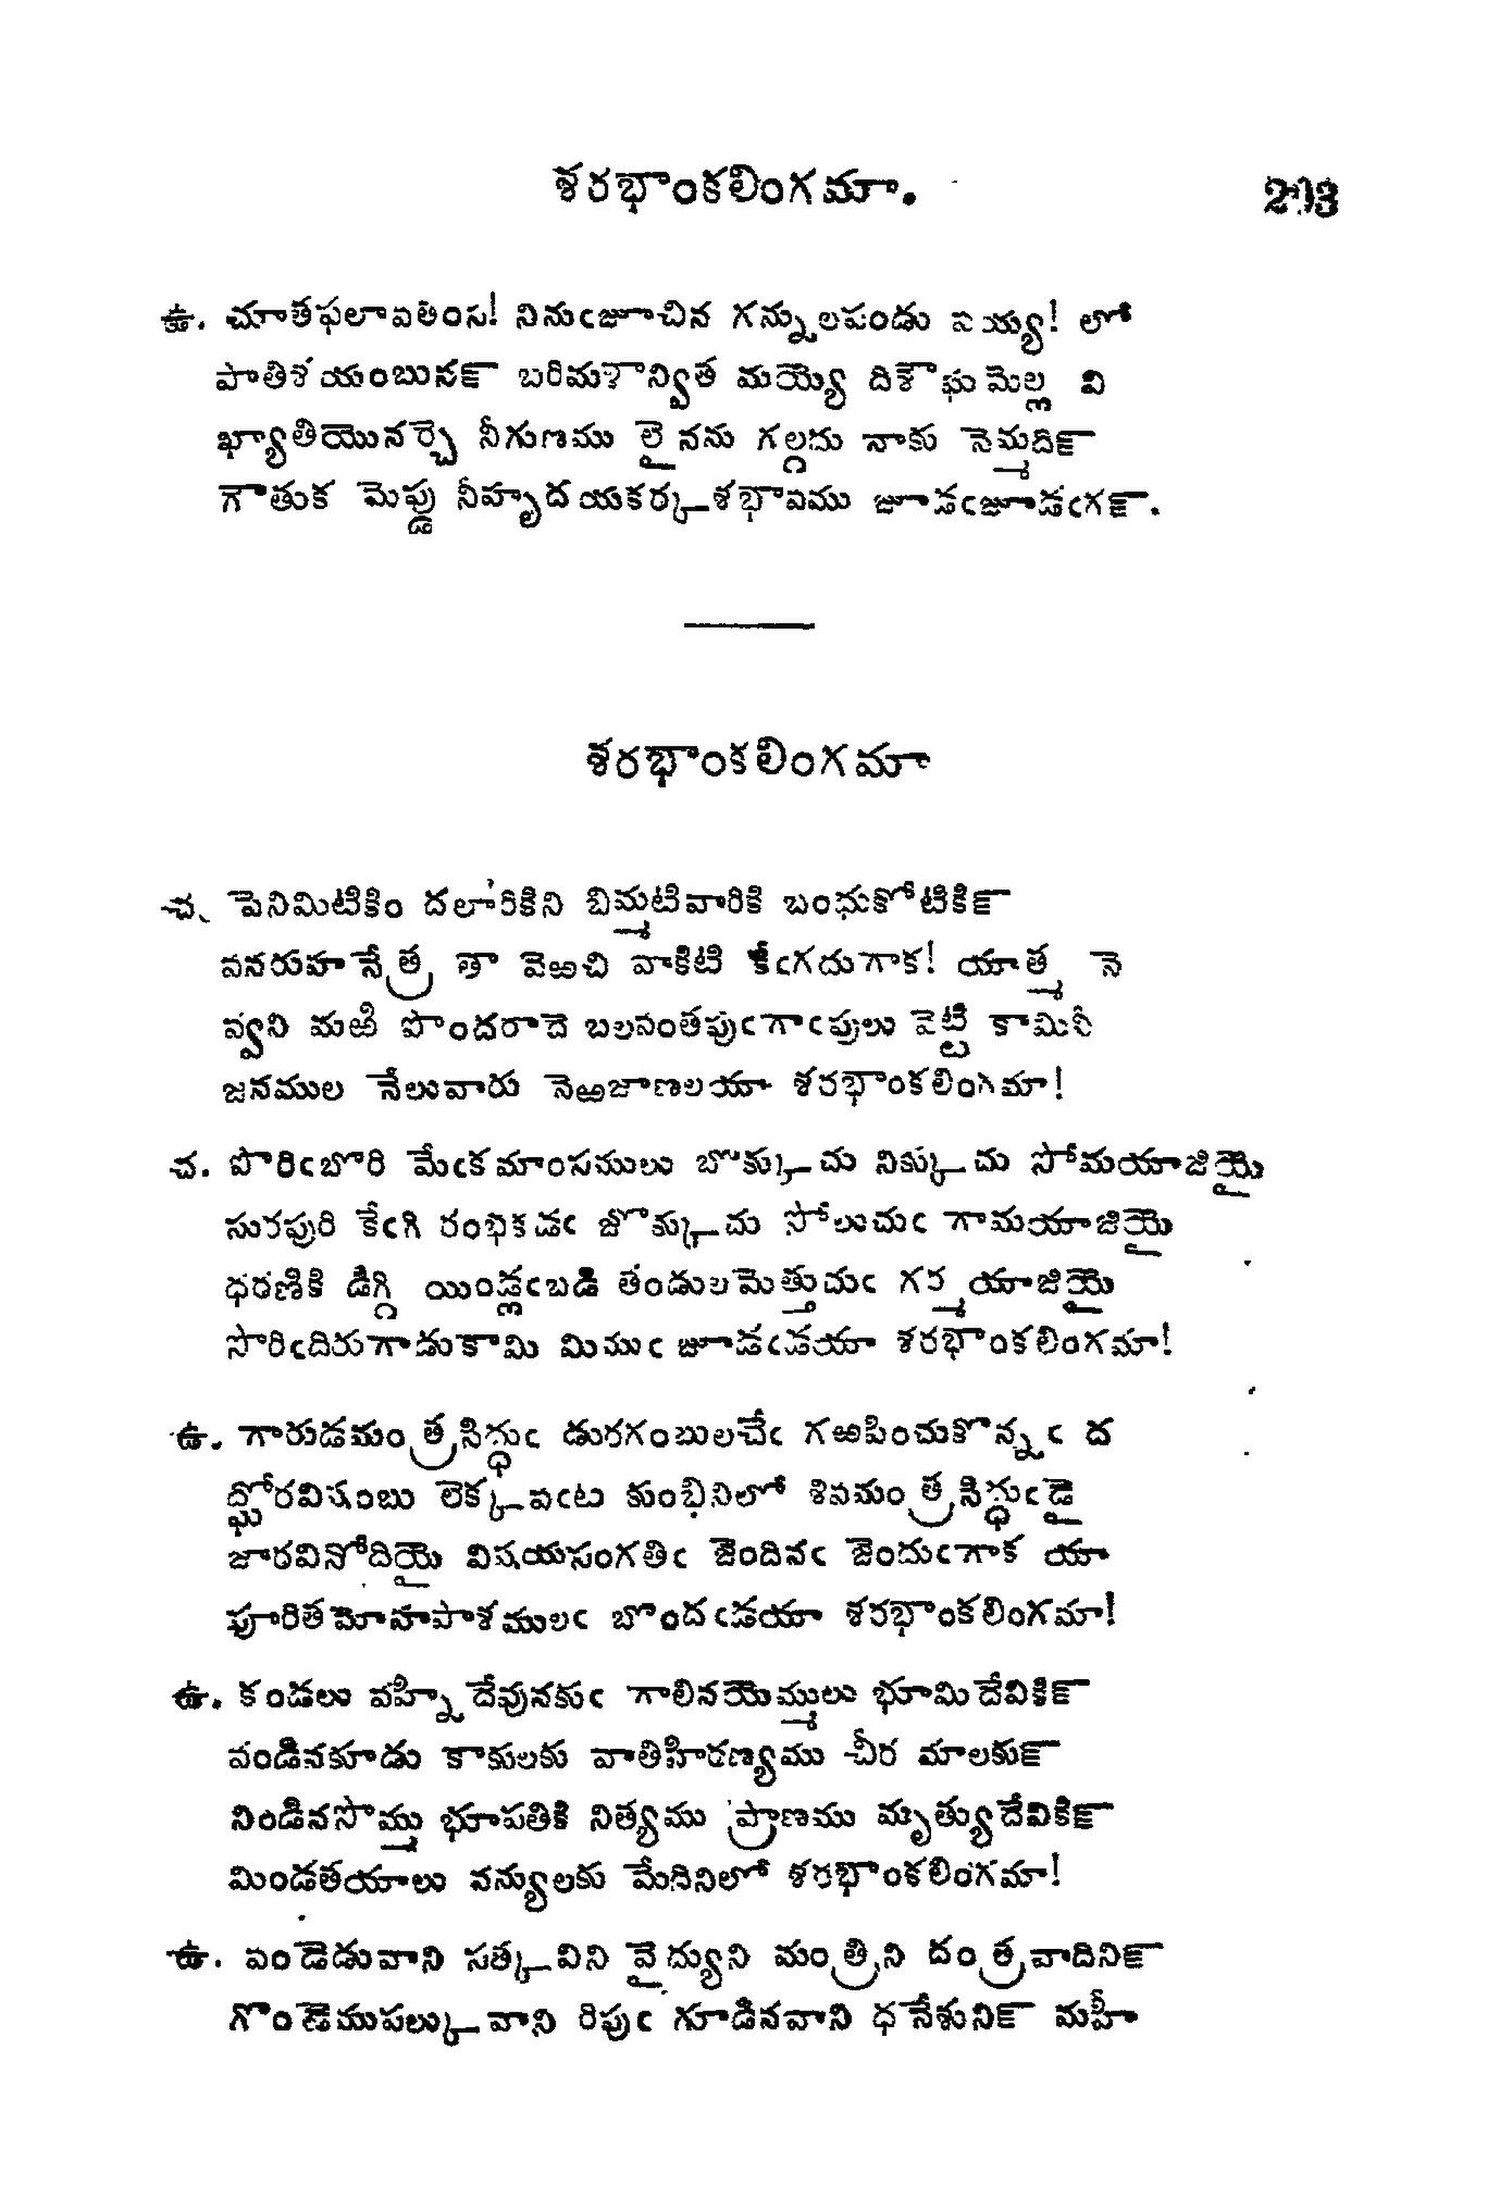ఉ. చూతఫలావతంస! నినుఁజూచినఁ గన్నులపండు వయ్య! లో
 పాతిశయంబునన్ బరిమళాన్విత మయ్యె దిశౌఘమెల్ల వి
 ఖ్యాతియొనర్చె నీగుణము లైనను గల్గదు నాకు నెమ్మదిన్
 గౌతుక మెప్డు నీహృదయకర్కశభావము జూడఁజూడఁగన్.

చ. పెనిమిటికిం దలారికిని బిమ్మిటివారికి బంధుకోటికిన్
 వనరుహనేత్ర తా వెఱచి వాకిటి కేఁగదుగాక! యాత్మ నె
 వ్వని మఱి పొందరాదె బలవంతపుఁగాఁపులు వెట్టి కామినీ
 జనముల నేలువారు నెఱజాణలయా శరభాంకలింగమా!
చ. పొరిఁబొరి మేఁకమాంసములు బొక్కుచు నిక్కుచు సోమయాజియై
 సురపురి కేఁగి రంభకడఁ జొక్కుచ సోలుచుఁ గామయాజియై
 ధరణికి డిగ్గి యిండ్లఁబడి తండుల మెత్తుచుఁ గర్మయాజియై
 సొరిఁదిరుగాడుకామి మిముఁ జూడఁడయా శరభాంకలింగమా!
ఉ. గారుడమంత్రసిద్ధుఁ డురగంబులచేఁ గఱపించుకొన్నఁ ద
 ద్ఘోరవిషంబు లెక్కవఁట కుంభినిలో శివమంత్రసిద్ధుఁడై
 జారవినోదియై విషయసంగతిఁ జెందిన జెందుఁగాక యా
 పూరితమోహపాశములఁ బొందఁఢయా శరభాంకలింగమా!
ఉ. కండలు వహ్నిదేవునకుఁ గాలినయెమ్ములు భూమిదేవికిన్
 వండినకూడు కాకులకు వాతిహిరణ్యము చీర మాలకున్
 నిండినసొమ్ము భూపతికి నిత్యము ప్రాణము మృత్యుదేవికిన్
 మిండతయాలు నన్యులకు మేదినిలో శరభాంకలింగమా!
ఉ. వండెడువాని సత్కవిని వైద్యుని మంత్రిని దంత్రవాదినిన్
 గొండెముపల్కువాని రిపుఁ గూడినవాని ధనేశునిన్ మహీ